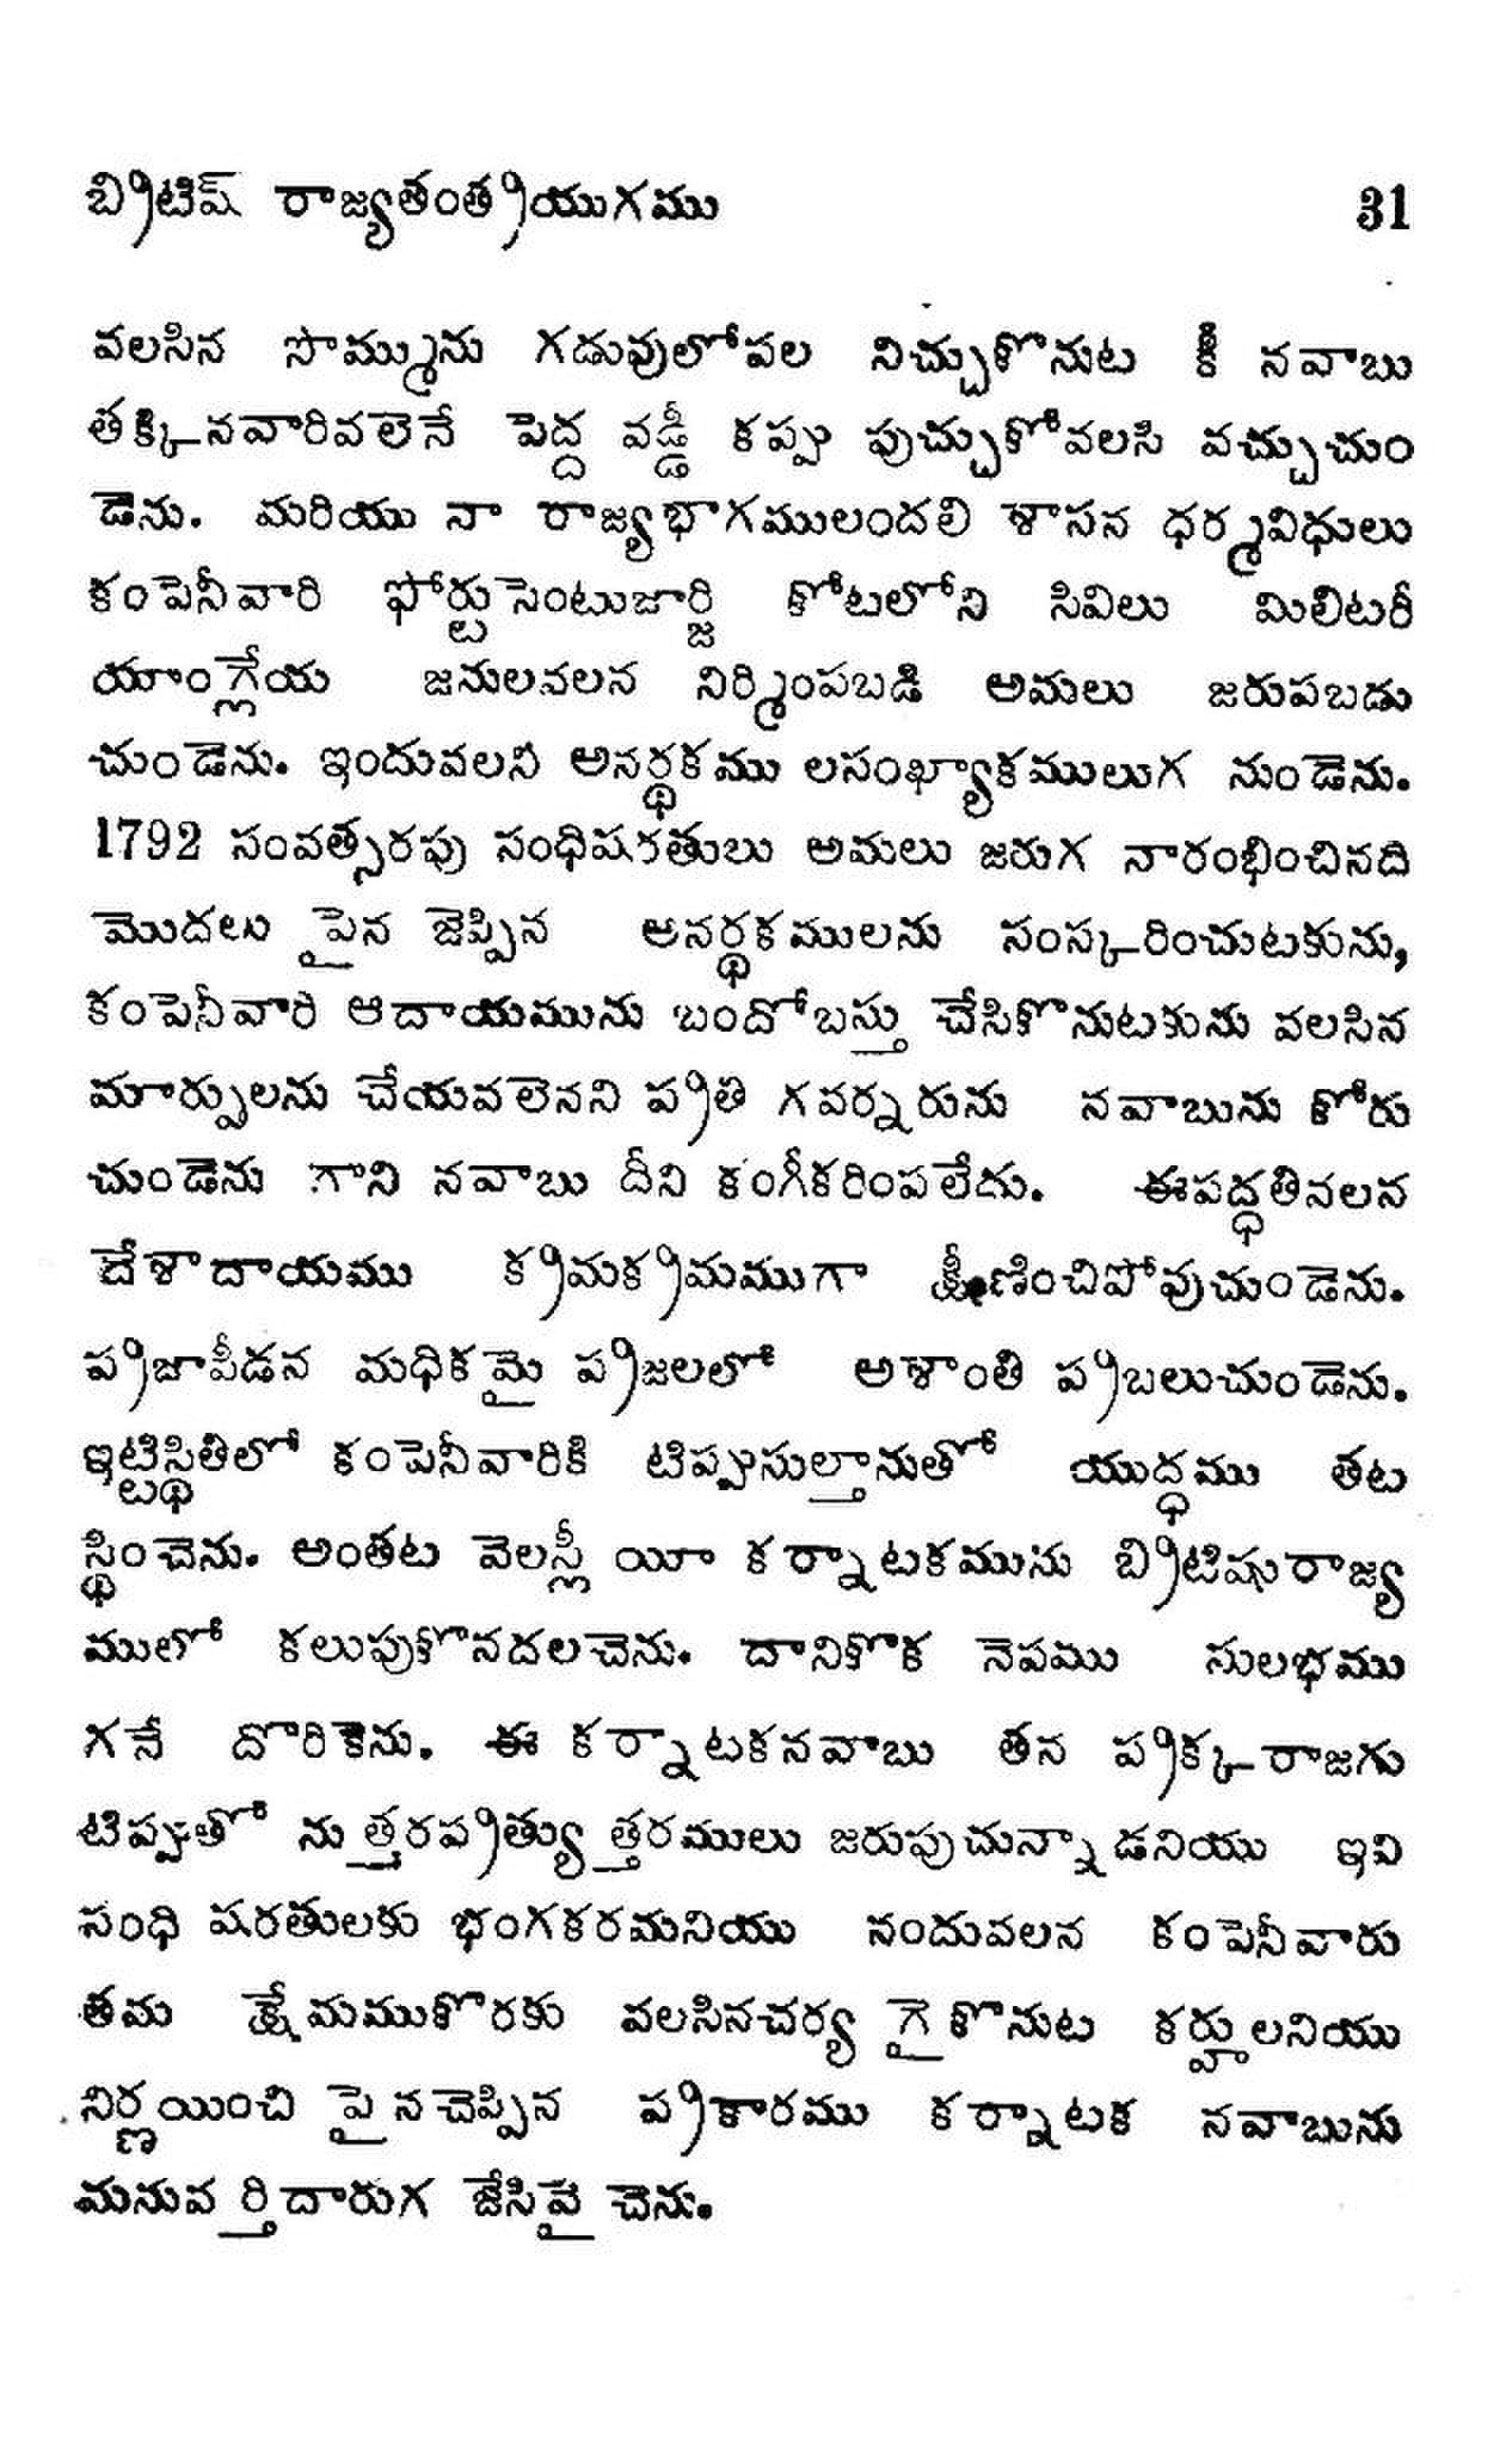వలసిన సొమ్మును గడువులోపల నిచ్చుకొనుట కీ నవాబు తక్కినవారివలెనే పెద్ద వడ్డీ కప్పు పుచ్చుకోవలసి వచ్చుచుండెను. మరియు నా రాజ్య భాగములందలి శాసన ధర్మవిధులు కంపెనీవారి ఫోర్టుసెంటుజార్జి కోటలోని సివిలు మిలిటరీ యాంగ్లేయ జనులనలన నిర్మింపబడి అమలు జరుపబడుచుండెను. ఇందువలన అనర్థకము లసంఖ్యాకములుగ నుండెను. 1792 సంవత్సరపు సంధిషరతులు అమలు జరుగ నారంభించినది మొదలు పెన జెప్పిన అనర్థకములను సంస్కరించుటకును, కంపెనీవారి ఆదాయమును బందోబస్తు చేసికొనుటకును వలసిన మార్పులను చేయవలెనని ప్రతి గవర్నరును నవాబును కోరుచుండెను గాని నవాబు దీని కంగీకరింపలేదు. ఈ పద్ధతినలన దేశాదాయము క్రమక్రమముగా క్షీణించిపోవుచుండెను. ప్రజాపీడన మధికమై ప్రజలలో అశాంతి ప్రబలుచుండెను. ఇట్టిస్థితిలో కంపెనీవారికి టిప్పుసుల్తానుతో యుద్దము తటస్థించెను. అంతట వెలస్లీ యీ కర్నాటకమును బ్రిటిషురాజ్యములో కలుపుకొనదలచెను. దానికొక నెపము సులభముగనే దొరికెను. ఈ కర్నాటకనవాబు తన ప్రక్క రాజగు టిప్పుతో నుత్తరప్రత్యుత్తరములు జరుపుచున్నాడనియు ఇవి సంధి షరతులకు భంగకరమనియు నందువలన కంపెనీవారు తమ క్షేమముకొరకు వలసినచర్య గైకొనుట కర్హులనియు . నిర్ణయించి పైనచెప్పిన ప్రకారము కర్నాటక నవాబును మనువర్తిదారుగ జేసివైచెను.